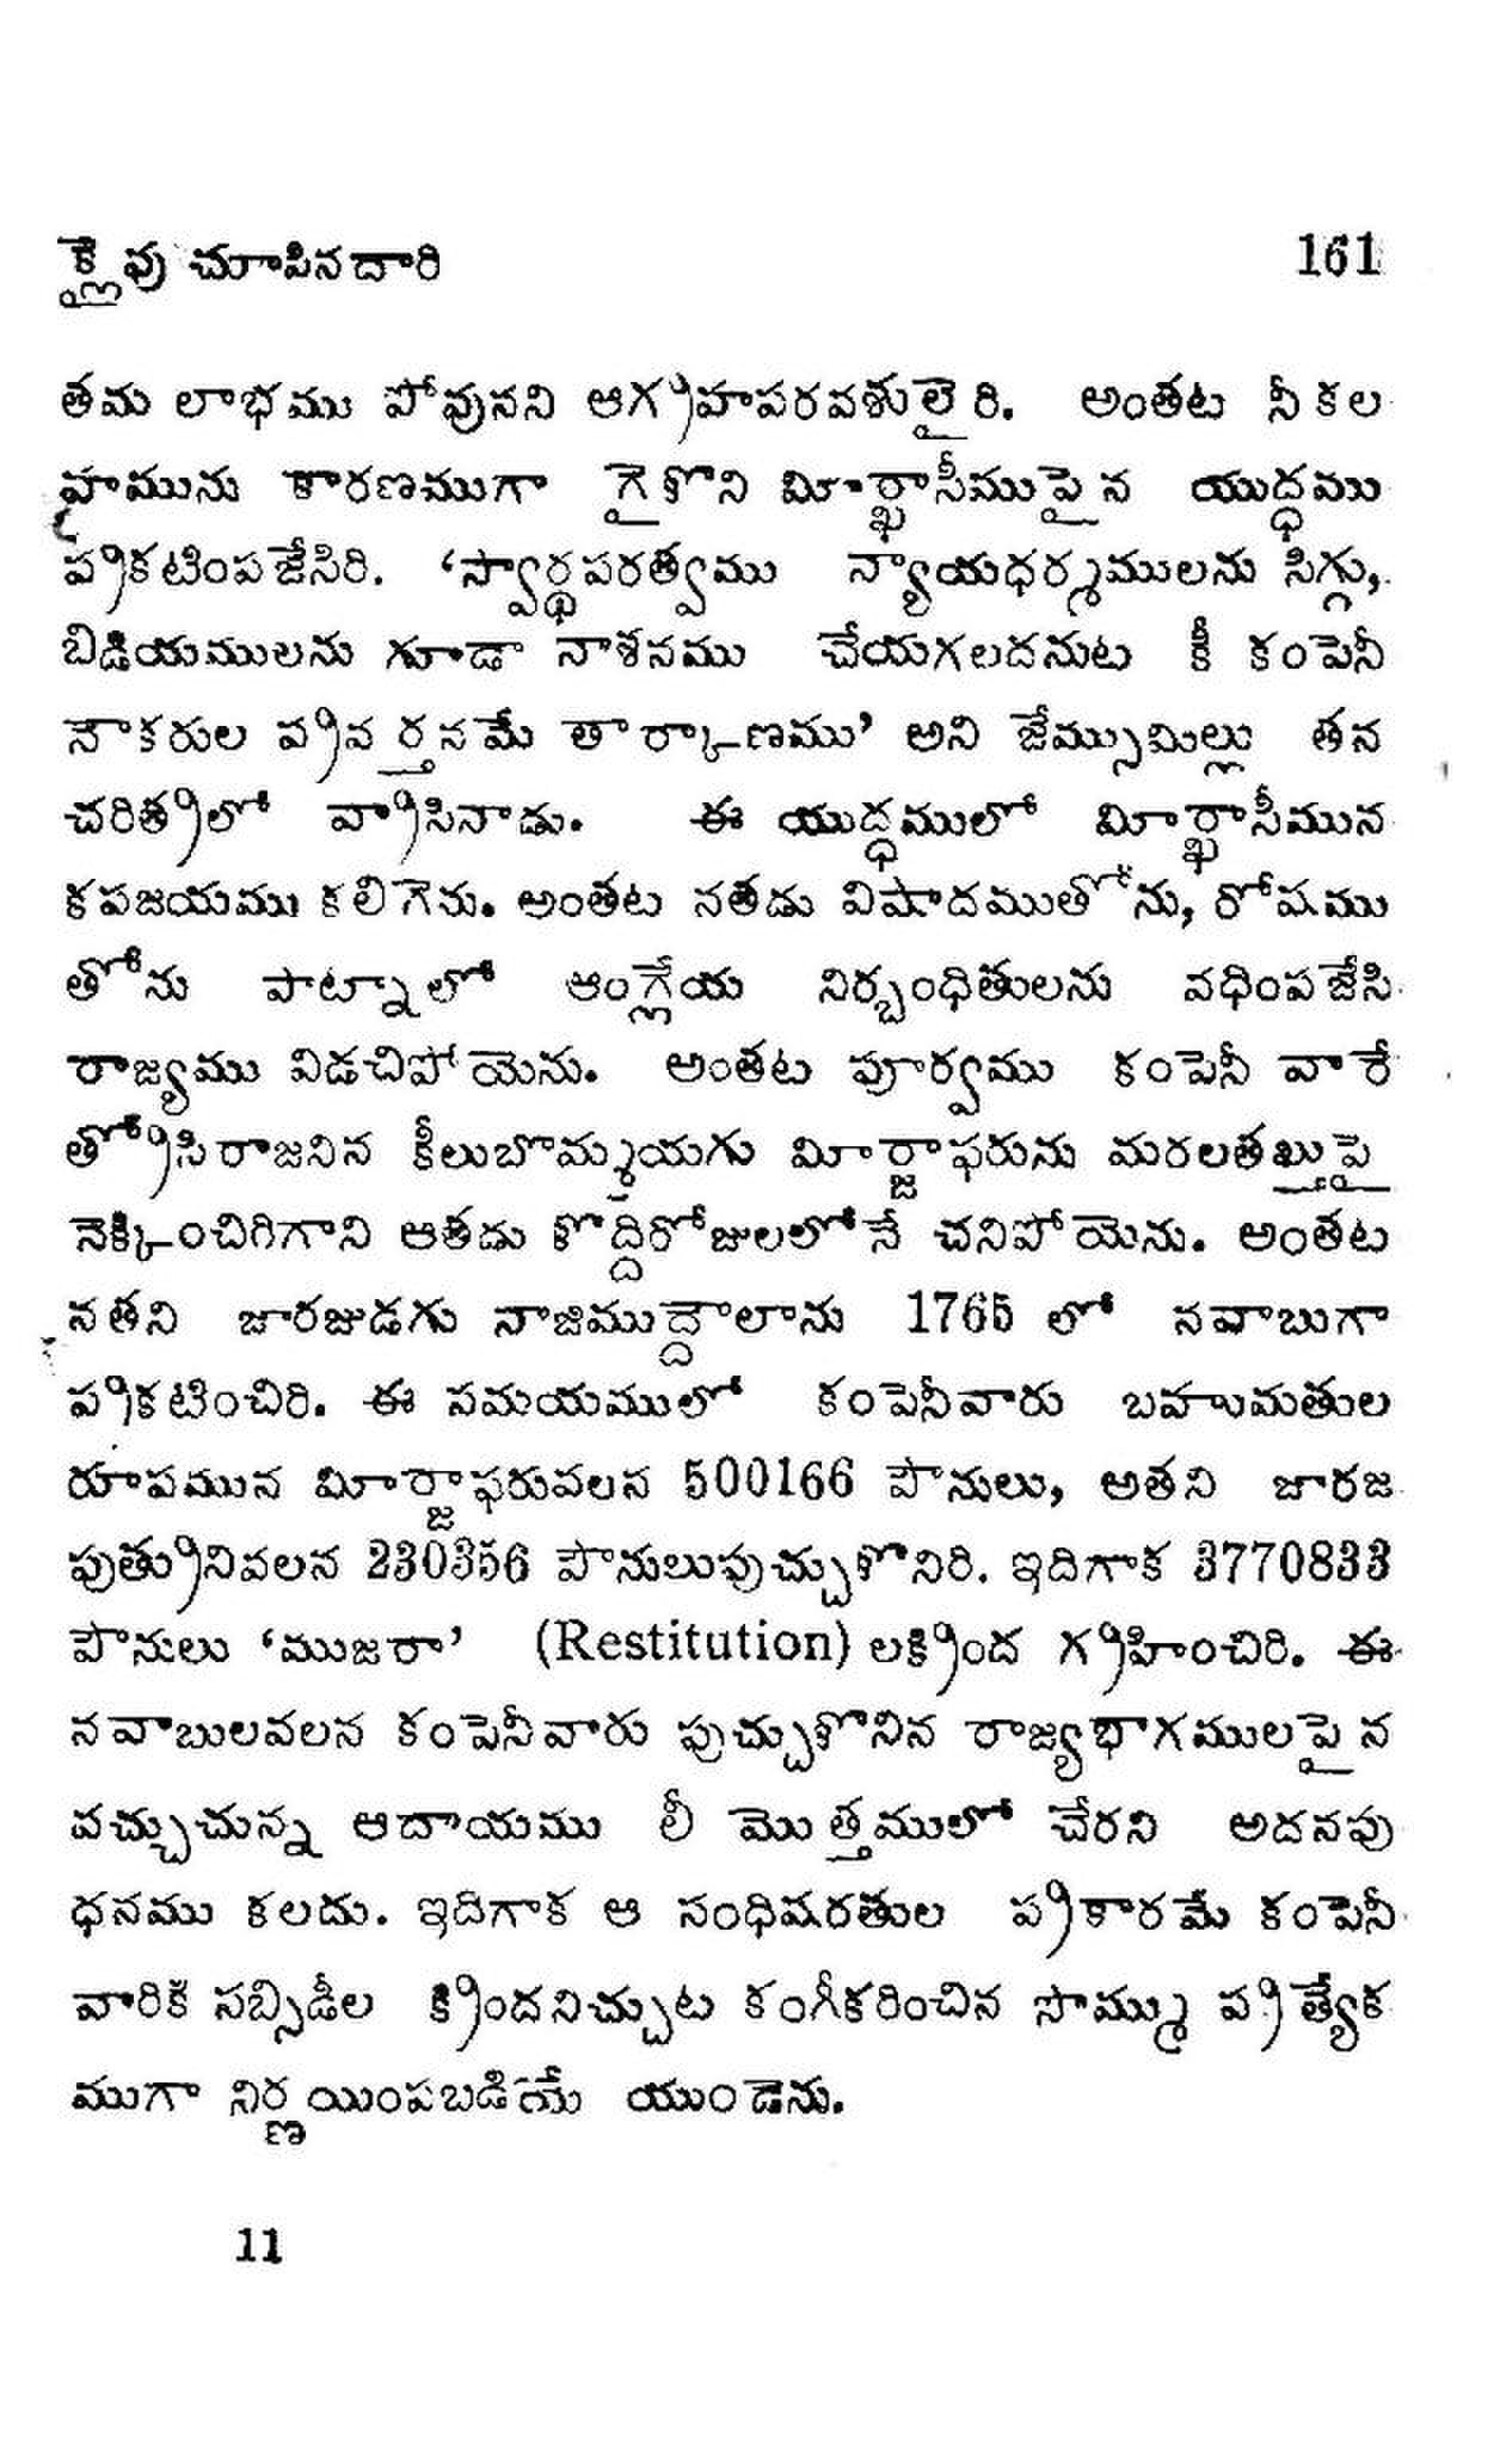తమ లాభము పోవునని ఆగ్రహపరవశులైరి. అంతట నీకలహమును కారణముగా గైకొని మీర్ఖాసీముపైన యుద్ధము ప్రకటింపజేసిరి. 'స్వార్థపరత్వము న్యాయధర్మములను సిగ్గు, బిడియములను గూడా నాశనము చేయగలదనుట కీ కంపెనీ నౌకరుల పరివర్తనమే తార్కాణము” అని జేమ్సుమిల్లు తన చరిత్రలో వ్రాసినాడు. ఈ యుద్ధములో మీర్ఖాసీమున కపజయము కలిగెను. అంతట నతడు విషాదముతోను, రోషముతోను పాట్నాలో ఆంగ్లేయ నిర్బంధితులను వధింపజేసి రాజ్యము విడచిపోయెను. అంతట పూర్వము కంపెనీ వారే త్రోసిరాజనిన కీలుబొమ్మయగు మీర్జాఫరును మరలతఖ్తుపై నెక్కించిరిగాని ఆతడు కొద్దిరోజులలోనే చనిపోయెను. అంతట నతని జారజుడగు నాజిముద్దౌలాను 1765 లో నవాబుగా ప్రకటించిరి. ఈ సమయములో కంపెనీవారు బహుమతుల రూపమున మీర్జాఫరువలస 500166 పౌనులు, అతని జారజ పుత్రునివలన 230356 పౌనులువుచ్చుకొనిరి. ఇదిగాక 3770833 పౌనులు 'ముజరా' (Restitution) లక్రింద గ్రహించిరి. ఈ నవాబులవలన కంపెనీవారు పుచ్చుకొనిన రాజ్యభాగములపైన వచ్చుచున్న ఆదాయము లీ మొత్తములో చేరని అదనపు ధనము కలదు. ఇదిగాక ఆ సంధిషరతుల ప్రకారమే కంపెనీవారికి సబ్సిడీల క్రిందనిచ్చుట కంగీకరించిన సొమ్ము ప్రత్యేకముగా నిర్ణయింపబడియే యుండెను.